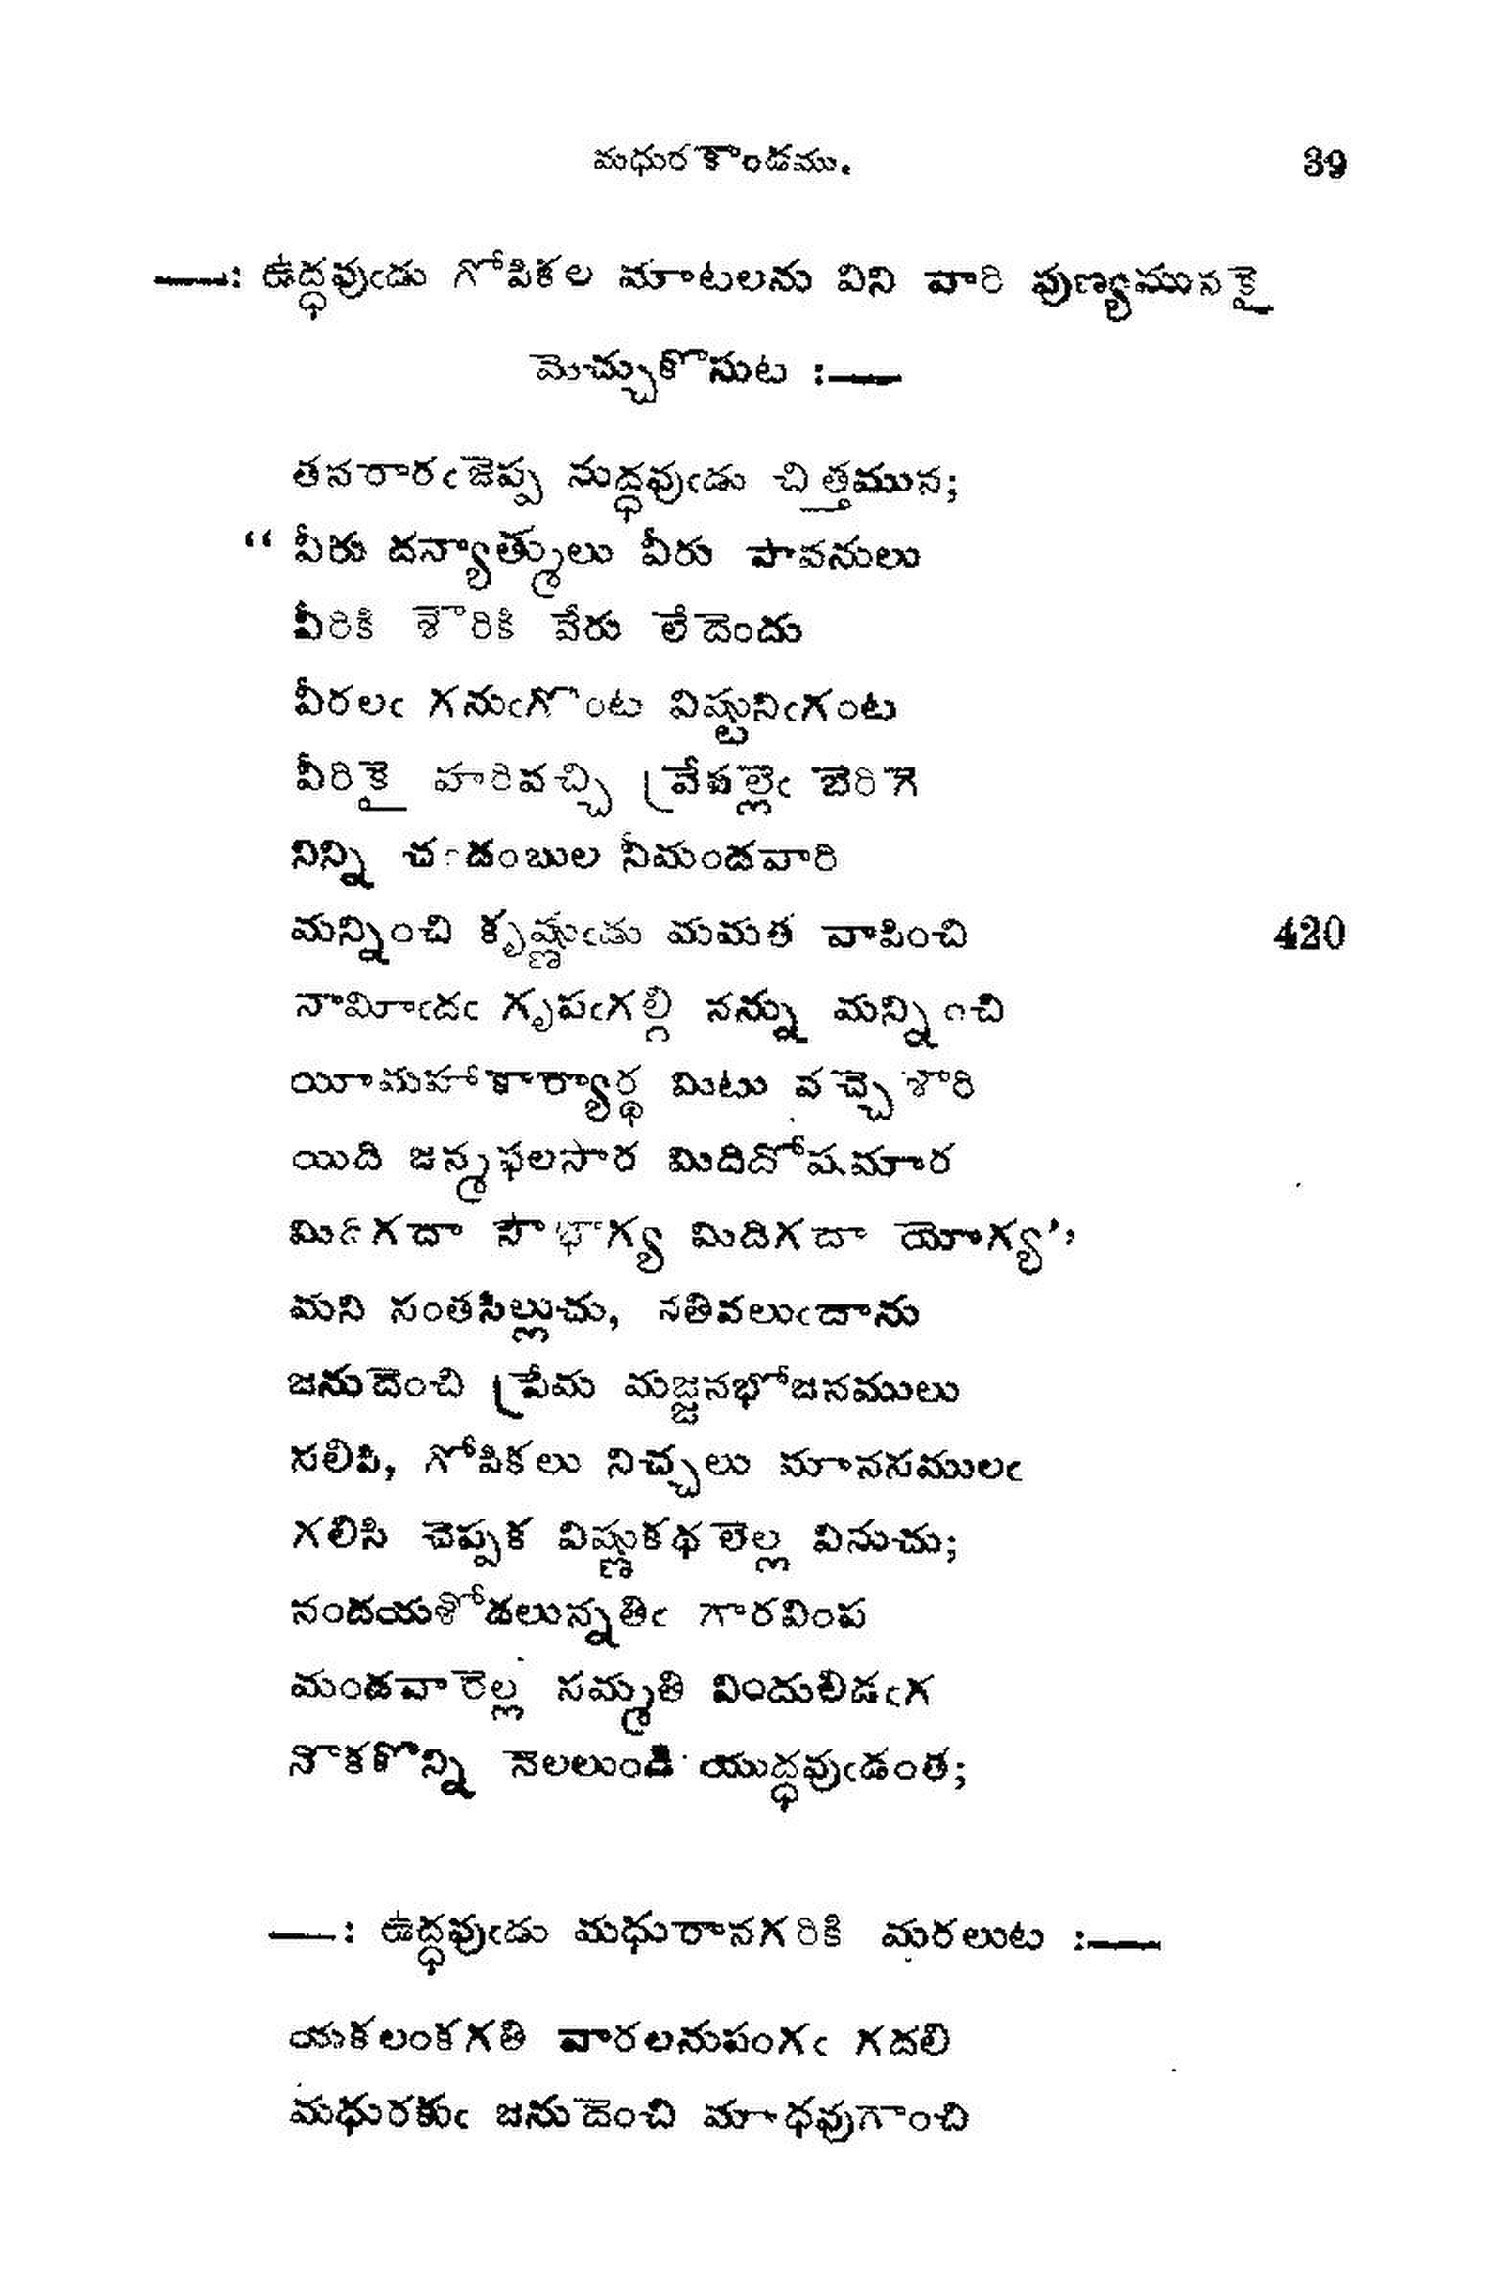తనరారఁ జెప్ప నుద్ధవుఁడు చిత్తమున;
“వీరు దన్యాత్ములు వీరు పావనులు
వీరికి శౌరికి వేరు లేదెందు
వీరలఁ గనుఁగొంట విష్ణునిఁగంట
వీరికై హరివచ్చి వ్రేపల్లెఁ బెరిగె
నిన్ని చందంబుల నీమందవారి
మన్నించి కృష్ణుడు మమళ వాపించి
నామీఁదఁ గృపఁగల్గి నన్ను మన్నించి
యీమహాకార్యార్థ మిటు వచ్చె శౌరి
యిది జన్మఫలసార మిది దోషమార
మిదిగదా సౌభాగ్య మిదిగదా యోగ్య"
మని సంతసిల్లుచు, నతివలుఁ దాను
జనుదెంచి ప్రేమ మజ్జనభోజనములు
సలిపి, గోపికలు నిచ్చలు మానసములఁ
గలిసి చెప్పక విష్ణుకథ లెల్ల వినుచు;
నందయశోద లున్నతిఁ గారవింప
మందవారెల్ల సమ్మతి విందులిడఁగ
నొకకొన్ని నెలలుండి యుద్ధవుఁడంత;

యకలంకగతి వార లనుపంగఁ గదలి
మధురకుఁ జనుదెంచి మాధవు గాంచి